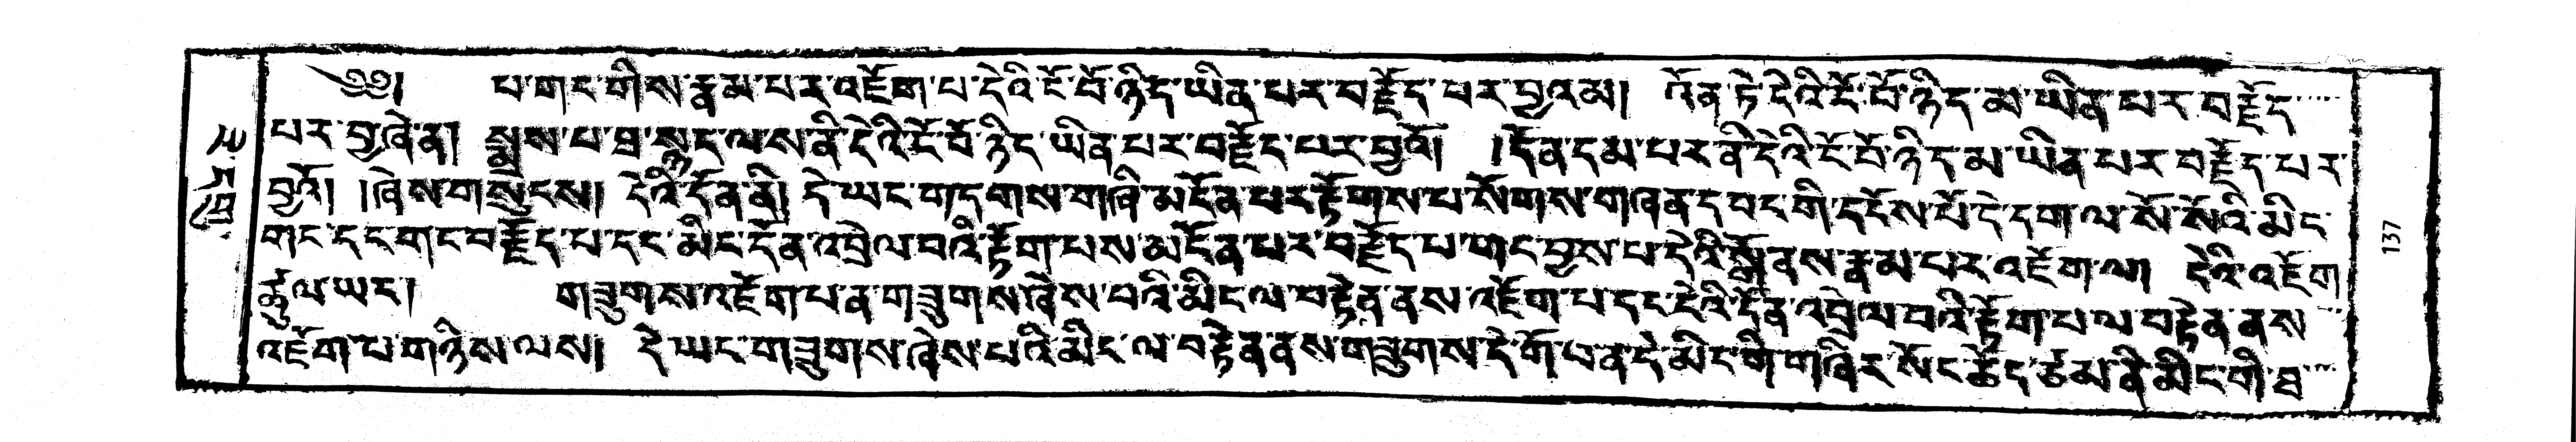༄༅། །པ་གང་གིས་རྣམ་པར་འཇོག་པ་དེའི་ངོ་བོ་ཉིད་ཡིན་པར་བརྗོད་པར་བྱའམ། འོན་ཏེ་དེའི་ངོ་བོ་ཉིད་མ་ཡིན་པར་བརྗོད་
པར་བྱ་ཞེ་ན། སྨྲས་པ་ཐ་སྙད་ལ་ས་ནི་དེའི་ངོ་བོ་ཉིད་ཡིན་པར་བརྗོད་པར་བྱའོ། །དོན་དམ་པར་ནི་དེའི་ངོ་བོ་ཉིད་མ་ཡིན་པར་བརྗོད་པར་
བྱའོ། །ཞེས་གསུངས། དེའི་དོན་ནི། དེ་ཡང་གདགས་གཞི་མངོན་པར་རྟོགས་པ་སོགས་གཞན་དབང་གི་དངོས་པོ་དེ་དག་ལ་སོ་སོའི་མིང་
གང་དང་གང་བརྗོད་པ་དང་མིང་དོན་འབྲེལ་བའི་རྟོག་པས་མངོན་པར་བརྗོད་པ་གང་བྱས་པ་དེའི་སྒོ་ནས་རྣམ་པར་འཇོག་ལ། དེའི་འཇོག་
ཚུལ་ཡང་། གཟུགས་འཇོག་པ་ན་གཟུགས་ཞེས་པའི་མིང་ལ་བརྟེན་ནས་འཇོག་པ་དང་དེའི་དོན་འབྲེལ་བའི་རྟོག་པ་ལ་བརྟེན་ནས་
འཇོག་པ་གཉིས་ལས། དེ་ཡང་གཟུགས་ཞེས་པའི་མིང་ལ་བརྟེན་ནས་གཟུགས་དེ་གོ་བ་ན་དེ་མིང་གི་གཞིར་སོང་ཆོད་ཙམ་ནི་མིང་གི་ཐ་